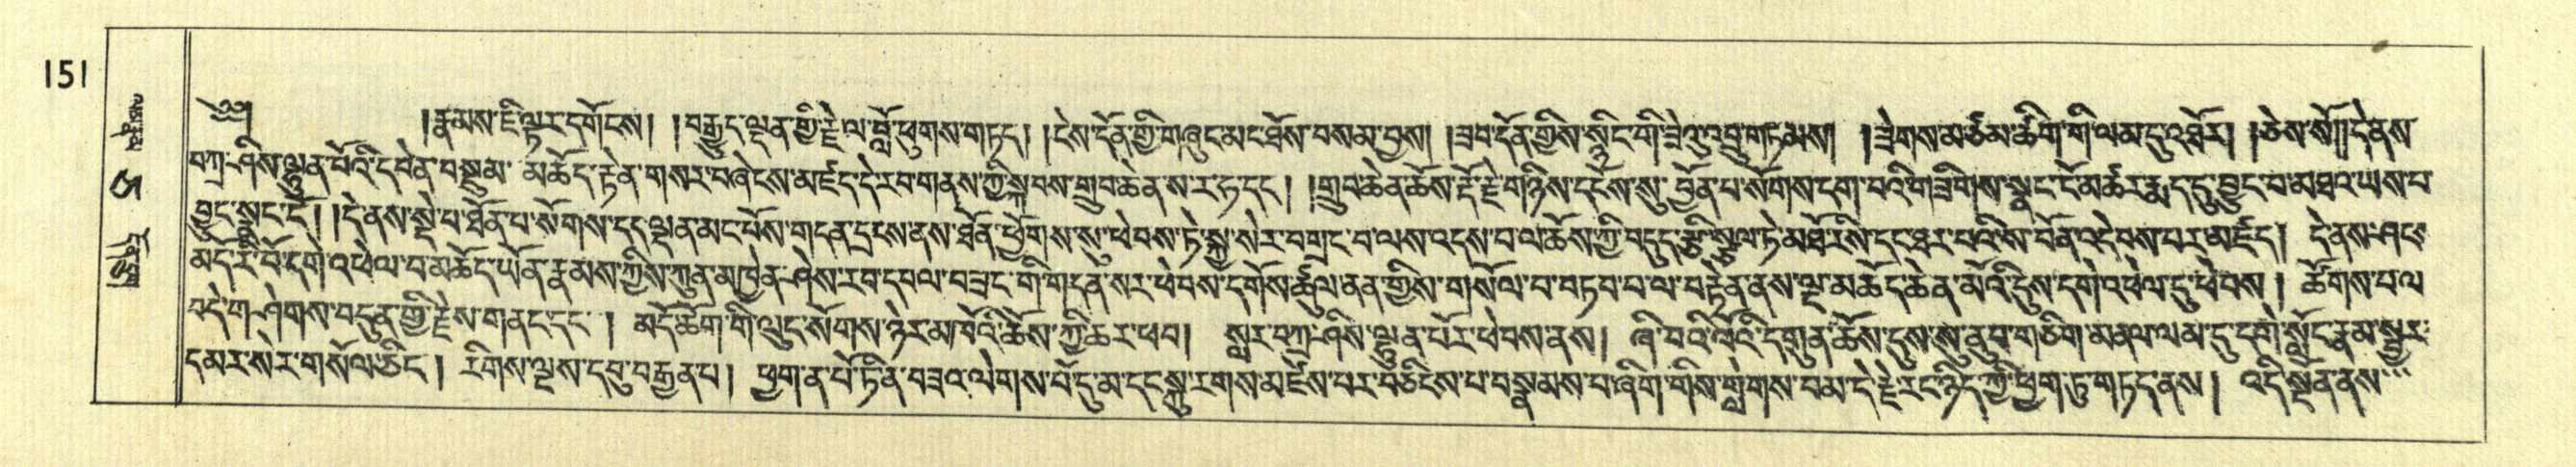༄༅། །རྣམས་ཇི་ལྟར་དགོངས། །བརྒྱུད་ལྡན་གྱི་རྗེ་ལ་བློ་ཕུགས་གཏད། །ངེས་དོན་གྱི་གཞུང་མང་ཐོས་བསམ་བྱས། །ཟབ་དོན་གྱིས་སྙིང་གི་ཟེའུ་འབྲུ་གཏམས། །ཟེགས་མ་ཙམ་ཚིག་གི་ལམ་དུ་འཐོར། །ཅེས་སོ། །དེ་ནས་
བཀྲ་ཤིས་ལྷུན་པོའི་དབེན་བསྡུམ་མཆོད་རྟེན་གསར་བཞེངས་མཛད་དེ་རབ་གནས་ཀྱི་སྐབས་གྲུབ་ཆེན་ས་ར་ཧ་དང་། །གྲུབ་ཆེན་ཆོས་རྡོ་རྗེ་གཉིས་དངོས་སུ་བྱོན་པ་སོགས་ངག་པའི་གཟིགས་སྣང་ངོ་མཚར་རྨད་དུ་བྱུང་བ་མཐའ་ཡས་པ་
བྱུང་སྣང་ངོ། །དེ་ནས་སྡེ་པ་ཐོན་པ་སོགས་དད་ལྡན་མང་པོས་གདན་དྲངས་ནས་ཐོན་ཕྱོགས་སུ་ཕེབས་ཏེ་སྐྱ་སེར་བགྲང་བ་ལས་འདས་བ་ལ་ཆོས་ཀྱི་བདུད་རྩི་སྩལ་ཏེ་མཐོ་རིས་དང་ཐར་པའི་ས་བོན་འདེབས་པར་མཛད། དེ་ནས་ཤངས་
མདོ་རི་བོ་དགེ་འཕེལ་བ་མཆོད་ཡོན་རྣམས་ཀྱིས་ཀུན་མཁྱེན་ཤེས་རབ་དཔལ་བཟང་གི་གདན་སར་ཕེབས་དགོས་ཚུལ་ནན་གྱིས་གསོལ་བ་བཏབ་པ་ལ་བརྟེན་ནས་ལྔ་མཆོད་ཆེན་མོའི་དུས་དགེ་འཕེལ་དུ་ཕེབས། ཚོགས་པ་ལ་
བདེ་གཤེགས་བདུན་གྱི་རྗེས་གནང་དང་། མདོ་ཆོག་གི་ལུང་སོགས་ཉེར་མཁོའི་ཆོས་ཀྱི་ཆར་ཕབ། སླར་བཀྲ་ཤིས་ལྷུན་པོར་ཕེབས་ནས། ཞི་བའི་ལོའི་དགུན་ཆོས་དུས་སུ་ནུབ་གཅིག་མནལ་ལམ་དུ་དགེ་སློང་རྣམ་སྦྱར་
དམར་སེར་གསོལ་ཅིང་། རིགས་ལྔས་དབུ་བརྒྱན་པ། ཕྱག་ན་པོ་ཏི་ན་བཟའ་ལེགས་པོ་དུ་མ་དང་སྐུ་རགས་མཛེས་པར་བཅིངས་པ་བསྣམས་པ་ཞིག་གིས་གླེགས་བམ་དེ་རྗེ་རང་ཉིད་ཀྱི་ཕྱག་ཏུ་གཏད་ནས། འདི་སྔོན་ནས་